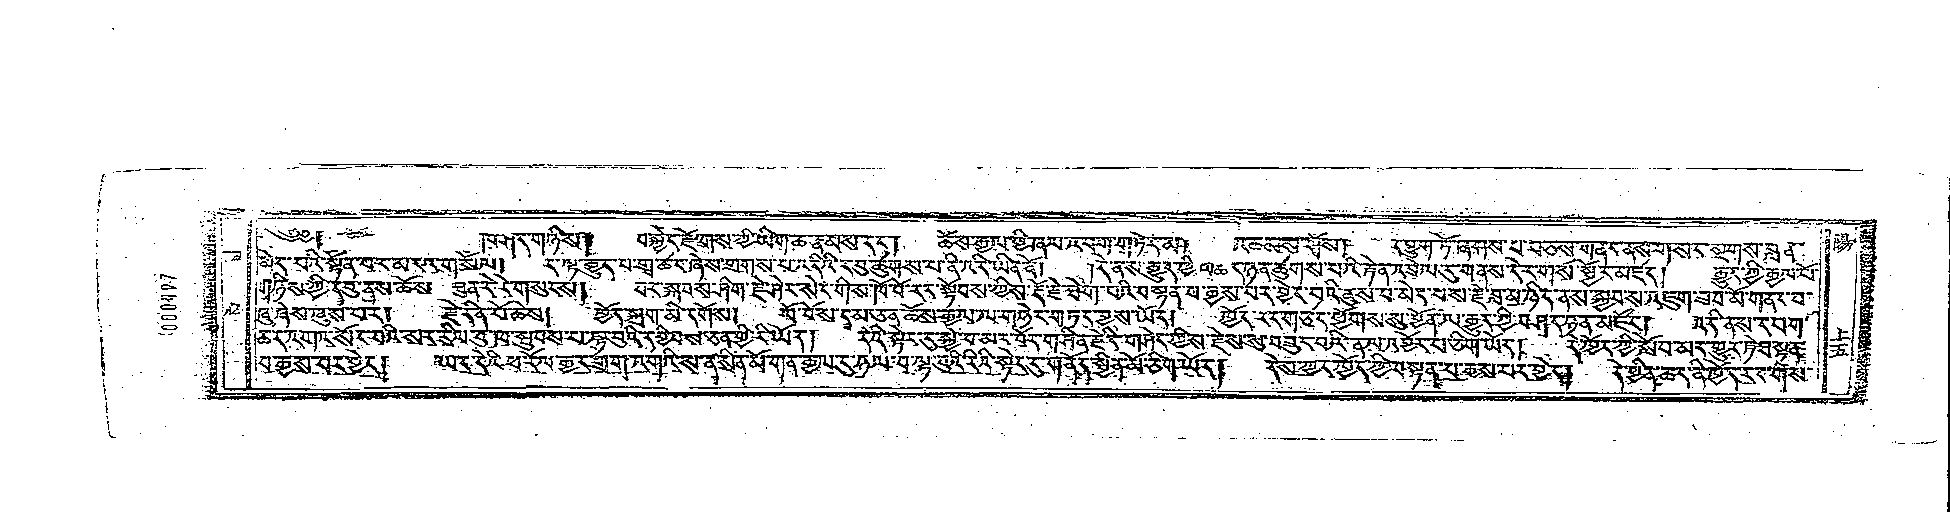༄༅། །བཤད་གཉིས། བསྐྱེད་རྫོགས་ཀྱི་ཡིག་ཆ་རྣམས་དང་། ཆོས་རྒྱལ་གྱི་ཞལ་འབག་གཏེར་མ། འཆམས་གོས། དབྱུག་ཏོ་ཞགས་པ་བཅས་གནང་ནས་གསང་སྔགས་བླ་ན་
མེད་པའི་སྟོན་བར་མདའ་གསོལ། ད་ལྟ་རྒྱུད་པ་གྲྭ་ཚང་ཞེས་གྲགས་པ་འདིའི་དབུ་ཚུགས་པ་ནི་འདི་ཡིན་ནོ། །དེ་ནས་རྒྱུད་ཀྱི་ལ་ཆང་ཉན་ཚུགས་པའི་རྟེན་འབྲེལ་དུ་གནས་དེར་གསོ་སྦྱོང་མཛད། རྒྱུད་ཀྱི་རྒྱལ་པོ་
གཉིས་ཀྱི་དབུ་ནས་ཆོས་ཐུན་རེ་རེ་གསུངས། བར་སྐབས་ཤིག་རྗེ་ཤེར་སེང་གིས་ཁོ་བོ་རང་སྟོབས་ཀྱིས་རྡོ་རྗེ་ཐེག་པའི་བསྟན་པ་རྒྱས་པར་བྱེད་བའི་ནུས་པ་མེད་པས་རྗེ་བླ་མ་ཉིད་ནས་སྐྱབས་འཇུག་ཟབ་མོ་གནང་བ་
ཞུ་ཞེས་ཞུས་པར། རྗེ་རིན་པོ་ཆེས། ཁྱོད་སྐྲག་མི་དགོས། ཁོ་བོས་དམ་ཅན་ཆོས་རྒྱལ་ལ་གཉེར་གཏད་བྱས་ཡོད། ཁྱོད་རང་གཙང་ཕྱོགས་སུ་བྱོན་ལ་རྒྱུད་ཀྱི་བཤད་ཉན་མཛོད། འདི་ནས་དཔག་
ཚད་འགའ་སོང་བའི་སར་དྲིལ་བུ་ཁ་སྦུབས་པ་ལྟ་བུའི་དབྱིབས་ཅན་གྱི་རི་ཡོད། དེའི་སྟེང་དུ་སྐྱེ་བ་མང་བོར་གཤིན་རྗེའི་གཤེད་ཀྱིས་རྗེས་སུ་བཟུང་བའི་རྣལ་འབྱོར་པ་ཅིག་ཡོད། དེ་ཁྱོད་ཀྱི་སློབ་མར་གྱུར་ཏེ་ཐ་སྟན་
པ་རྒྱས་པར་བྱེད། ཡང་དེའི་ཕ་རོལ་རྒྱང་གྲག་འགའི་ས་ན་སྲིན་མོ་གན་རྒྱལ་དུ་ཉལ་བ་ལྟ་བུའི་རིའི་སྟེང་དུ་གནོད་སྦྱིན་མོ་ཅིག་ཡོད། དེས་ཀྱང་ཁྱོད་ཀྱི་བསྟན་པ་རྒྱས་པར་བྱེད། དེ་ཕྱིན་ཆད་ནི་ཁྱོད་རང་གིས་